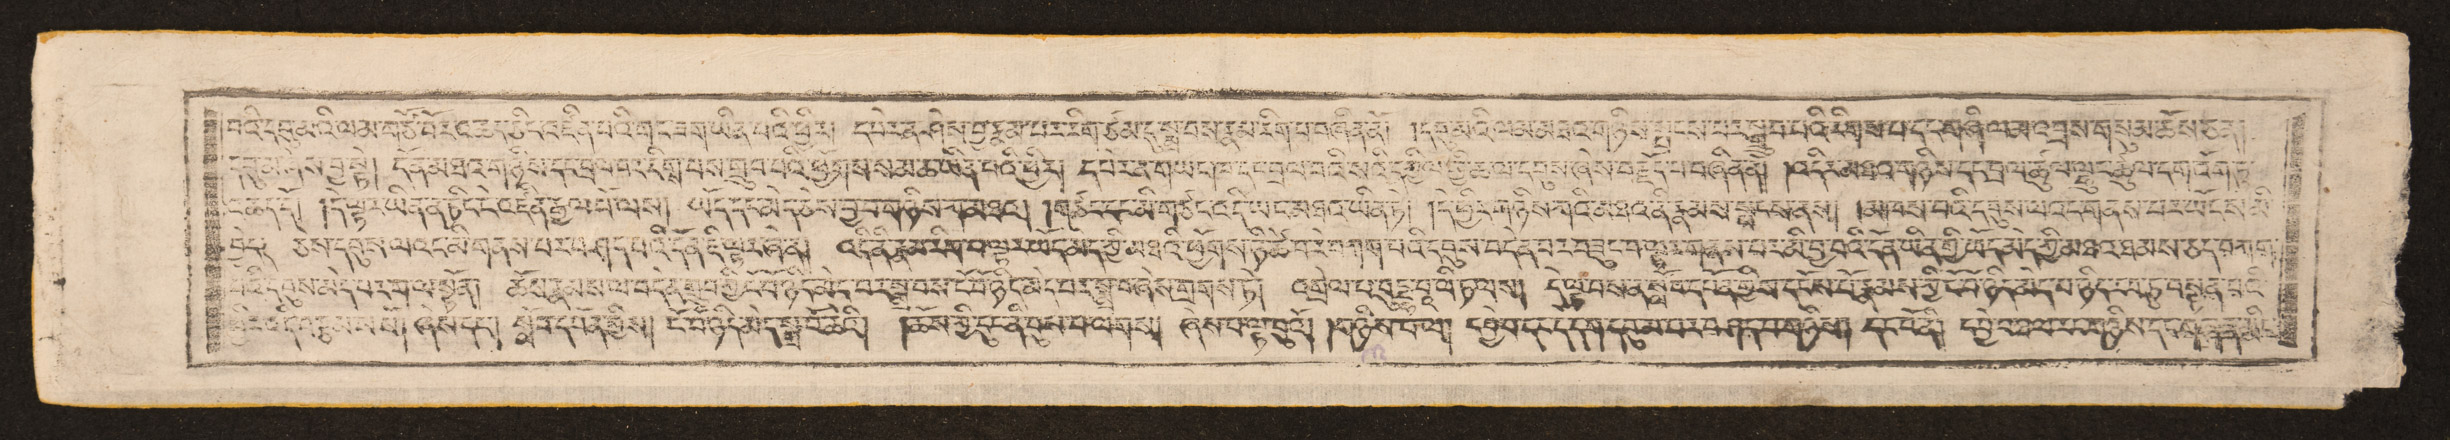བའི་དབུ་མའི་ལམ་གཙོ་བོར་འཆད་ཅིང་འཛིན་པའི་གང་ཟག་ཡིན་པའི་ཕྱིར། དཔེར་ན་ཤེས་བྱ་རྣམ་པར་རིག་ཙམ་དུ་སྨྲ་བས་རྣམ་རིག་པ་བཞིན་ནོ། །དབུ་མའི་ལམ་མཐའ་གཉིས་སྤངས་བར་སྒྲུབ་པའི་རིགས་པ་དང་གཞི་ལམ་འབྲས་གསུམ་ཆོས་ཅན།
དབུ་མ་ཞེས་བྱ་སྟེ། དོན་མཐའ་གཉིས་དང་བྲལ་བར་རིགས་པས་གྲུབ་པའི་ཕྱོགས་སམ་ཆ་ཡིན་པའི་ཕྱིར། དཔེར་ན་གཡང་ཁ་དང་བྲལ་པའི་སའི་དཀྱིལ་?་གྱི་ཆལ་དབུས་ཞེས་བརྗོད་པ་བཞིན་ནོ། །འདིར་མཐའ་གཉིས་དང་བྲལ་ཚུལ་ལྷུང་ཆུལ་དག་འོག་ཏུ་
འཆད་དོ། །དེ་ལྟར་ཡིན་ན་ཏིང་ངེ་འཛིན་རྒྱལ་པོ་ལས། ཡོད་དང་མེད་ཅེས་བྱ་བ་གཉིས་ག་མཐའ། །གཙང་དང་མི་གཙང་འདི་ཡང་མཐའ་ཡིན་ཏེ། །དེ་ཕྱིར་གཉིས་ཀའི་མཐའ་ནི་རྣམས་སྤངས་ནས། །མཁས་པའི་དབུས་ལའང་གནས་པར་ཡོངས་མི་
བྱེད༑ ཅེས་དབུས་ལའང་མི་གནས་པར་བཤད་པའི་དོན་ཇི་ལྟར་ཞེན། འདི་ནི་རྣམ་རིག་བ་ལྟར་ཡོད་མེད་ཀྱི་མཐའི་ཕྱོགས་ཉི་ཚེ་བ་རེ་བཀག་པའི་དབུས་བདེན་པར་བཟུང་བ་ལྟར་གནས་པར་མི་བྱ་བའི་དོན་ཡིན་གྱི་ཡོད་མེད་ཀྱི་མཐའ་ཐམས་ཅད་བཀག་
པའི་དབུས་མེད་པར་ག་ལ་སྟོན། ཆོས་རྣམས་ལ་བདེན་གྲུབ་ཀྱི་ངོ་བོ་ཉིད་མེད་པར་སྨྲ་བས་ངོ་བོ་ཉིད་མེད་པར་སྨྲ་བ་ཞེས་གྲགས་ཏེ། འགྲེལ་པ་བུདྡྷ་བཱ་ལི་ཏ་ལས། དེ་ལྟ་བས་ན་སློབ་དཔོན་གྱིས་དངོས་པོ་རྣམས་ཀྱི་ངོ་བོ་ཉིད་མེད་པ་ཉང་རབ་ཏུ་བསྟན་པའི་
ཕྱིར་འདི་བརྩམས་སོ། ཞེས་དང་། སློབ་དཔོན་གྱིས། ངོ་བོ་ཉིད་མང་སྒ་བོ་ཆེའི། །ཆོས་ཀྱི་དང་ནི་བས་བ་ལགས། ཞེས་པ་ལྟ་བུའོ། །གཉིས་པ་ལ། དབྱེ་བ་དང་དེ་དག་དབུ་མ་པར་བཤད་པ་གཉིས། དང་པོ་ནི། དབྱེ་བ་ཐལ་རང་གཉིས་དང་གཞན་མིང་